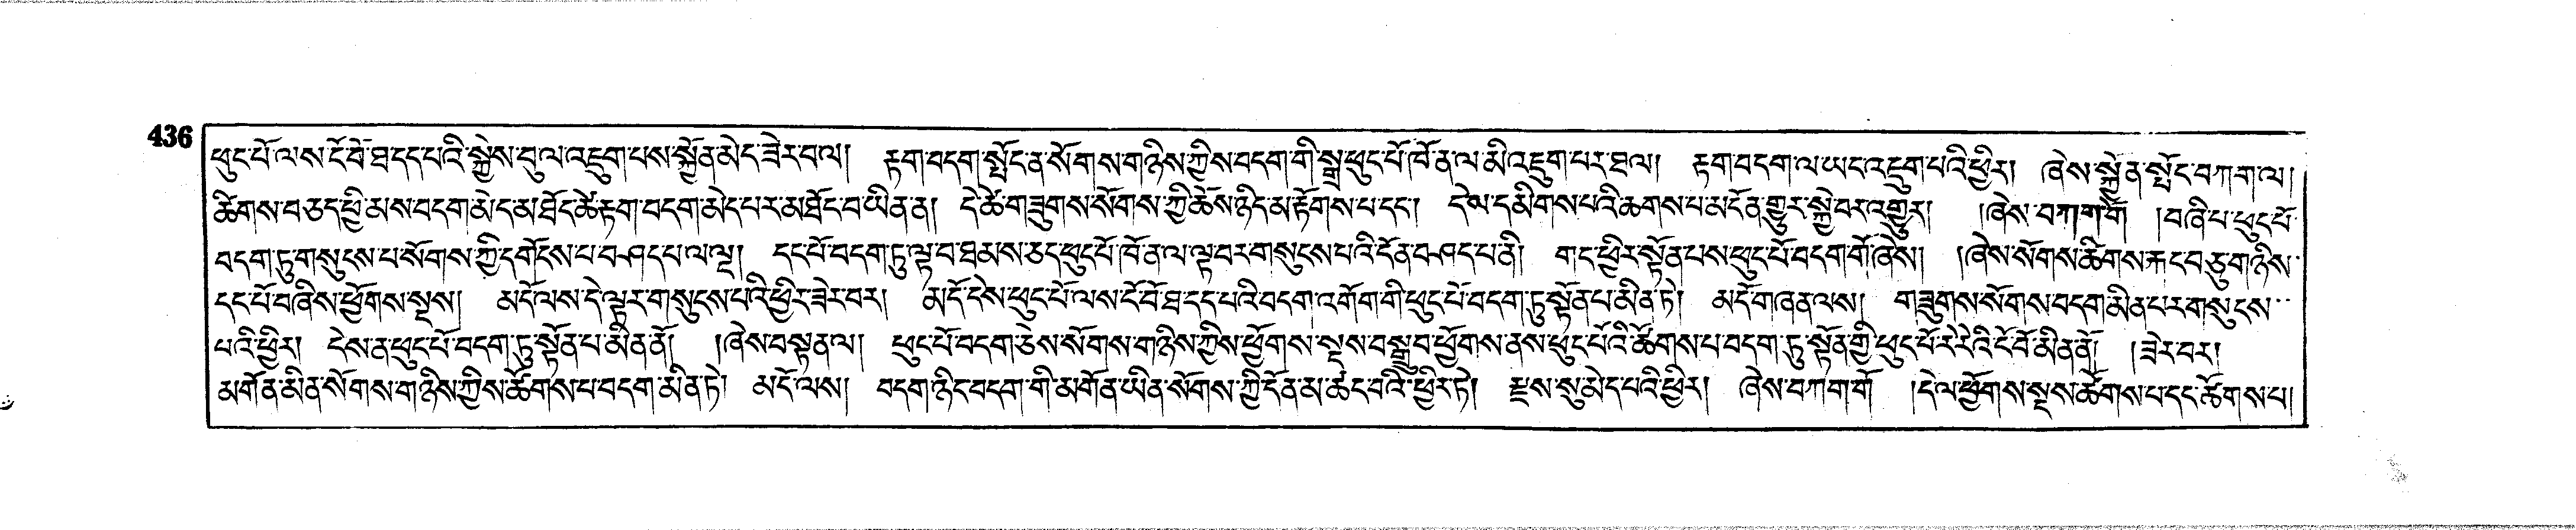ཕུང་པོ་ལས་ངོ་བོ་ཐ་དད་པའི་སྐྱེས་བུ་ལ་འཇུག་པས་སྐྱོན་མེད་ཟེར་བ་ལ། རྟག་བདག་སྤོང་ན་སོགས་གཉིས་ཀྱིས་བདག་གི་སྒྲ་ཕུང་པོ་ཁོ་ན་ལ་མི་འཇུག་པར་ཐལ། རྟག་བདག་ལ་ཡང་འཇུག་པའི་ཕྱིར། ཞེས་སྐྱོན་སྤོང་བཀག་ལ།
ཚིགས་བཅད་ཕྱི་མས་བདག་མེད་མཐོང་ཚེ་རྟག་བདག་མེད་པར་མཐོང་བ་ཡིན་ན། དེ་ཚེ་གཟུགས་སོགས་ཀྱི་ཆོས་ཉིད་མ་རྟོགས་པ་དང་། དེ་ལ་དམིགས་པའི་ཆགས་པ་མངོན་གྱུར་སྐྱེ་བར་འགྱུར། །ཞེས་བཀག་གོ །བཞི་པ་ཕུང་པོ་
བདག་ཏུ་གསུངས་པ་སོགས་ཀྱི་དགོངས་པ་བཤད་པ་ལ་ལྔ། དང་པོ་བདག་ཏུ་ལྟ་བ་ཐམས་ཅད་ཕུང་པོ་ཁོ་ན་ལ་ལྟ་བར་གསུངས་པའི་དོན་བཤད་པ་ནི། གང་ཕྱིར་སྟོན་པས་ཕུང་པོ་བདག་གོ་ཞེས། །ཞེས་སོགས་ཚིགས་རྐང་བཅུ་གཉིས་
དང་པོ་བཞིས་ཕྱོགས་སྔས། མདོ་ལས་དེ་ལྟར་གསུངས་པའི་ཕྱིར་ཟེར་བར། མདོ་དེས་ཕུང་པོ་ལས་ངོ་བོ་ཐ་དད་པའི་བདག་འགོག་གི་ཕུང་པོ་བདག་ཏུ་སྟོན་པ་མིན་ཏེ། མདོ་གཞན་ལས། གཟུགས་སོགས་བདག་མིན་པར་གསུངས་
པའི་ཕྱིར། དེས་ན་ཕུང་པོ་བདག་ཏུ་སྟོན་པ་མིན་ནོ། །ཞེས་བསྟན་ལ། ཕུང་པོ་བདག་ཅེས་སོགས་གཉིས་ཀྱིས་ཕྱོགས་སྔས་བསྒྲུབ་ཕྱོགས་ནས་ཕུང་པོའི་ཚོགས་པ་བདག་ཏུ་སྟོན་གྱི་ཕུང་པོ་རེ་རེའི་ངོ་བོ་མིན་ནོ། །ཟེར་བར།
མགོན་མིན་སོགས་གཉིས་ཀྱིས་ཚོགས་པ་བདག་མིན་ཏེ། མདོ་ལས། བདག་ཉིད་བདག་གི་མགོན་ཡིན་སོགས་ཀྱི་དོན་མ་ཚང་བའི་ཕྱིར་ཏེ། རྫས་སུ་མེད་པའི་ཕྱིར། ཞེས་བཀག་གོ །དེ་ལ་ཕྱོགས་སྔས་ཚོགས་པ་དང་ཚོགས་པ།